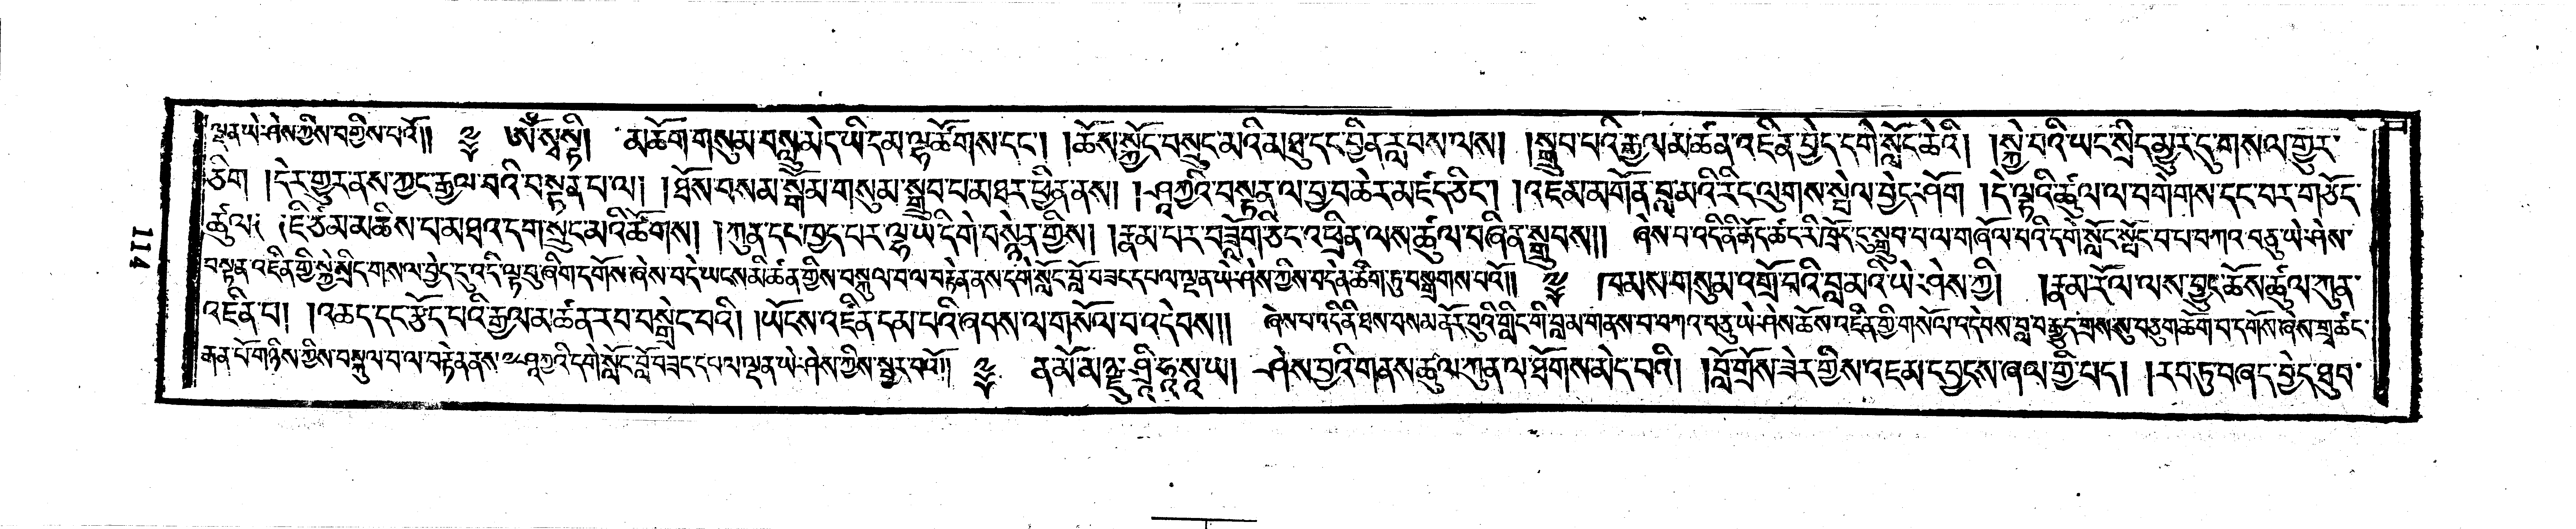ལྡན་ཡེ་ཤེས་ཀྱིས་བགྱིས་པའོ།། ༈ ཨོཾ་སྭ་སྟི། མཆོག་གསུམ་བསླུ་མེད་ཡི་དམ་ལྷ་ཚོགས་དང་། །ཆོས་སྐྱོང་བསྲུང་མའི་མཐུ་དང་བྱིན་རླབས་ལས། །སྒྲུབ་པའི་རྒྱལ་མཚན་འཇིན་བྱེད་དགེ་སློང་ཆེའི། །སྐྱེ་བའི་ཡང་སྲིད་མྱུར་དུ་གསལ་གྱུར་
ཅིག །དེར་གྱུར་ནས་ཀྱང་རྒྱལ་བའི་བསྟན་པ་ལ། །ཐོས་བསམ་སྒོམ་གསུམ་སྒྲུབ་པ་མཐར་ཕྱིན་ནས། །ཤཱཀྱའི་བསྟན་ལ་བྱ་བ་ཆེར་མཛད་ཅིང་། །འཇམ་མགོན་བླ་མའི་རིང་ལུགས་སྤེལ་བྱེད་ཤོག །དེ་ལྟའི་ཚུལ་ལ་བགེགས་དང་བར་གཅོད་
ཚུལ༑ ༑ཇི་ཙམ་མཆིས་པ་མཐའ་དག་སྲུང་མའི་ཚོགས། །ཀུན་དང་ཁྱད་པར་ལྷ་ཡི་དགེ་བསྙེན་གྱིས། །རྣམ་པར་བཟློག་ཅིང་འཕྲིན་ལས་ཚུལ་བཞིན་སྒྲུབས།། ཞེས་བ་འདི་ནི་རྒོད་ཚང་རི་ཁྲོད་དུ་སྒྲུབ་པ་ལ་གཞོལ་པའི་དགེ་སློང་སྤོང་བ་པ་བཀའ་བཅུ་ཡེ་ཤེས་
བསྟན་འཛིན་གྱི་སྐྱེ་སྲིད་གསལ་བྱེད་དུ་འདི་ལྟ་བུ་ཞིག་དགོས་ཞེས་བདེ་ཡངས་མི་ཚན་གྱིས་བསྐུལ་བ་ལ་བརྟེན་ནས་དགེ་སློང་བློ་བཟང་དཔལ་ལྡན་ཡེ་ཤེས་ཀྱིས་བདེན་ཚིག་ཏུ་བསྒྲགས་པའོ།། ༈ ཁམས་གསུམ་འགྲོ་བའི་བླ་མའི་ཡེ་ཤེས་ཀྱི། །རྣམ་རོལ་ལས་བྱུང་ཆོས་ཚུལ་ཀུན་
འཛིན་པ། །འཆད་དང་རྩོད་པའི་རྒྱལ་མཚན་རབ་བསྒྲེང་བའི། །ཡོངས་འཛིན་དམ་པའི་ཞབས་ལ་གསོལ་བ་འདེབས།། ཞེས་བ་འདི་ནི་ཐས་བསམ་ནོར་བུའི་གླིང་གི་བླ་མ་གནས་བ་བཀའ་བཅུ་ཡེ་ཤེས་ཆོས་འཛིན་གྱི་གསོལ་འདེབས་བླ་བརྒྱུད་གྲས་སུ་བཅུག་ཆོག་བ་དགོས་ཞེས་གྲྭ་ཚང་
རྒན་པོ་གཉིས་ཀྱིས་བསྐུལ་བ་ལ་བརྟེན་ནས་༧་ཤཱཀྱའི་དགེ་སློང་བློ་བཟང་དཔལ་ལྡན་ཡེ་ཤེས་ཀྱིས་སྦྱར་བའོ།། ༈ ན་མོ་མཉྫུ་ཤྲཱི་ཧཱ་སཱ་ཡ། ཤེས་བྱའི་གནས་ཚུལ་ཀུན་ལ་ཐོགས་མེད་པའི། །བློ་གྲོས་ཟེར་གྱིས་འཇམ་དབྱངས་ཞལ་གྱི་པད། །རབ་ཏུ་བཞད་བྱེད་ཐུབ་